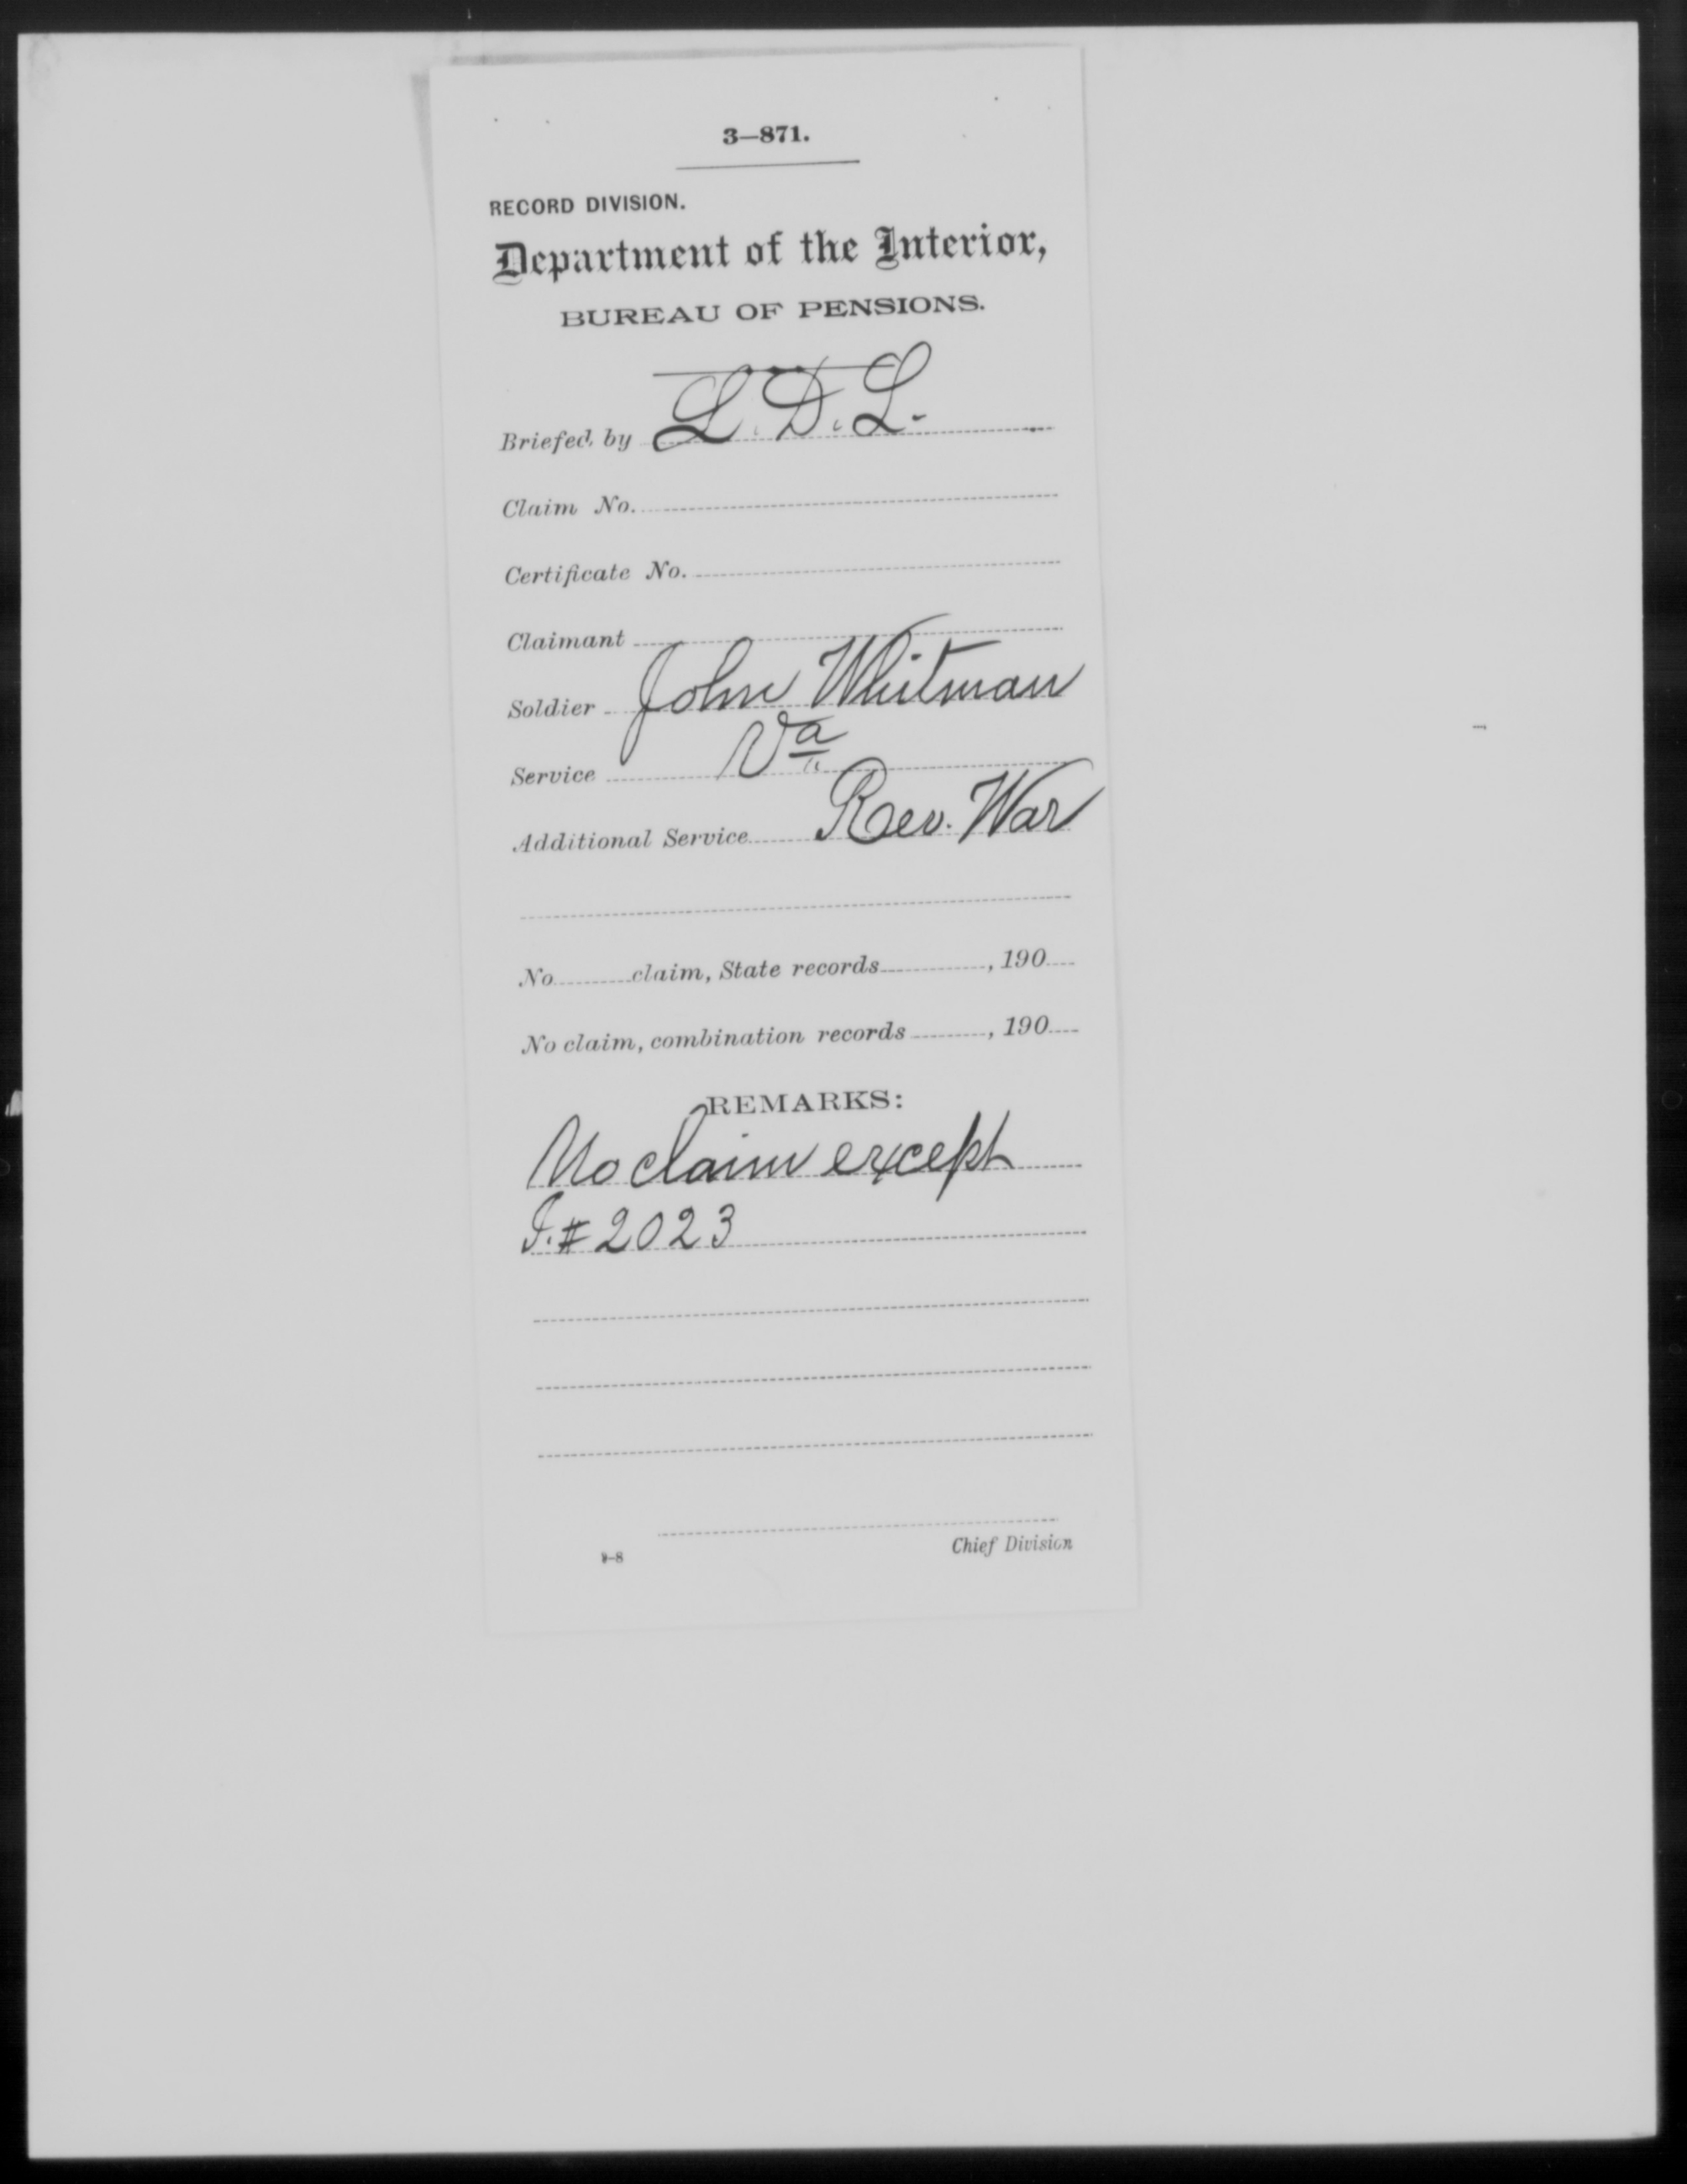3 - 871.

RECORD DIVISION.
Department of the Interior,
BUREAU OF PENSIONS.

Brieiedf by L. D. L.
Claim No. ____
Certificate No. ____
Claimant ____
Soldier John Whitman
Service Va
Additional Service Rev. War
No ____ claim, State records ____, 190_.
No claim, combination records ____, 190_.

REMARKS:
No claim except
 I. #2023
---
Chief Division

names: John Whitman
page: 9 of 22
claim: survivor's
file: S 2023, John Whitman, Va.